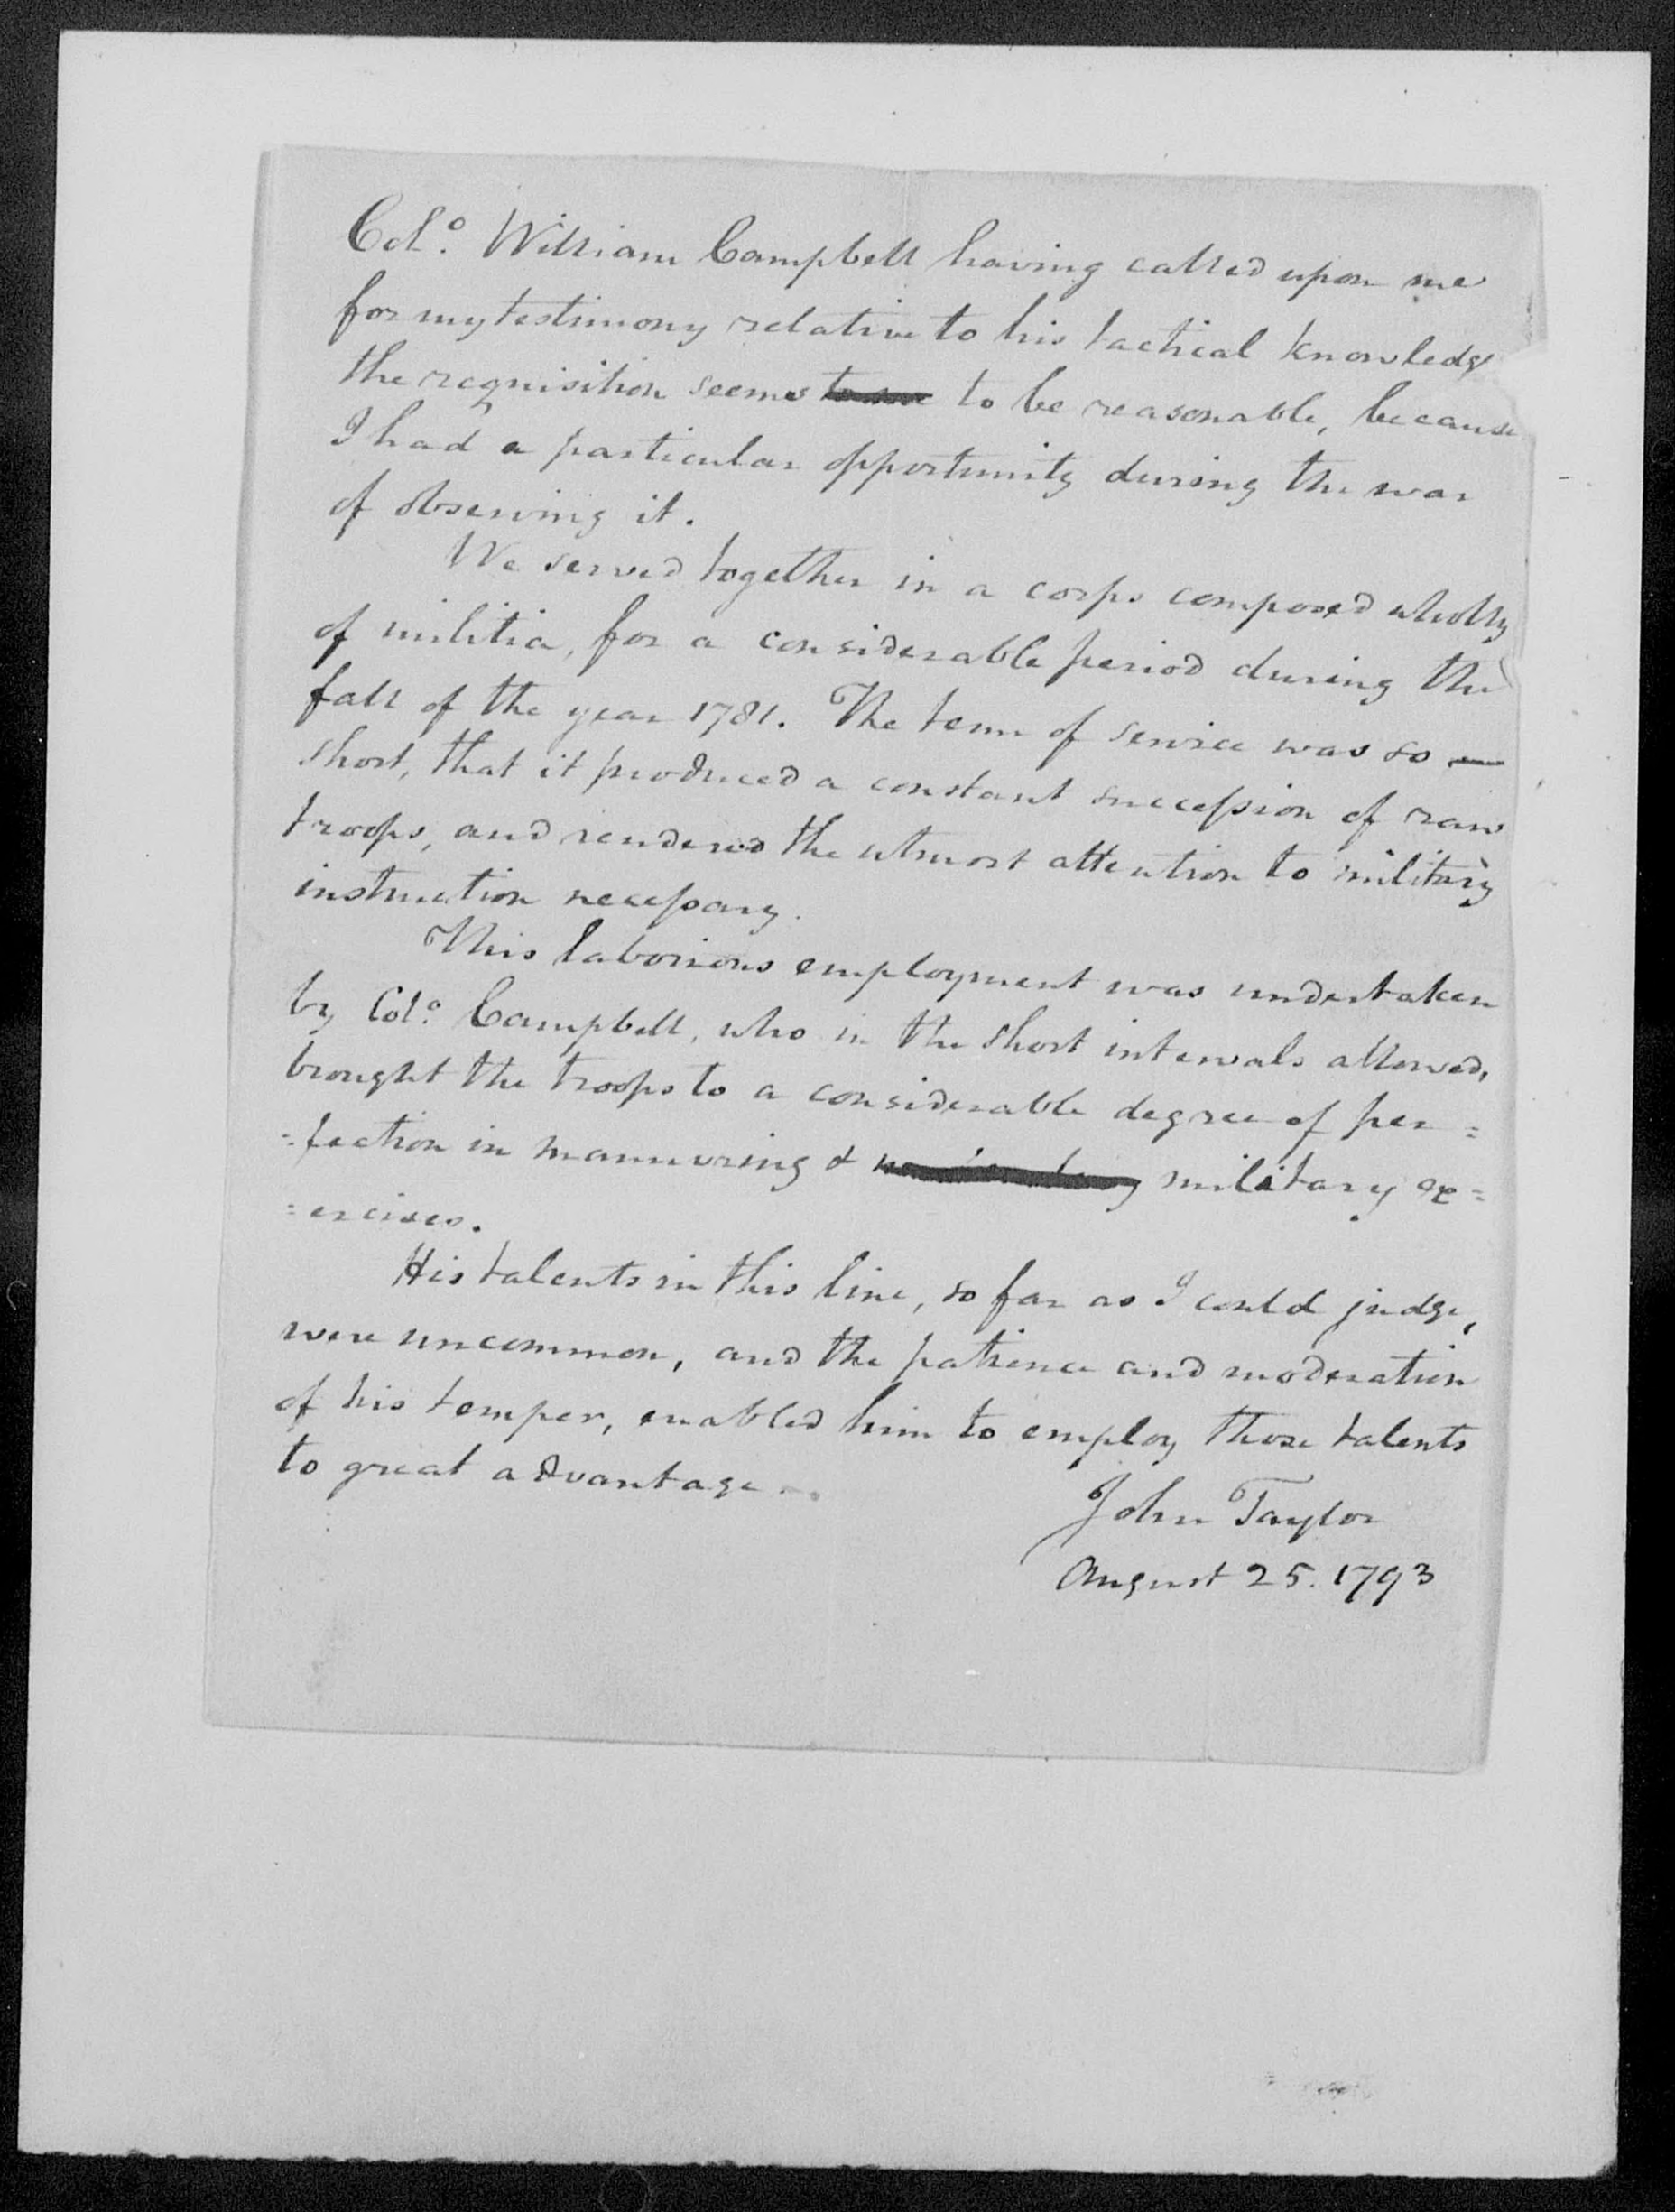Colo. William Campbell having called upon me for my testimony relative to his tactical knowledge the requisition seems [crossed out word not intelligible] to be reasonable, because I had a particular opportunity during the war to observe it.
We served together in a corps composed wholly of militia for a considerable period during the fall of the year 1781.  The term of service was so ---- short, that it produced a constant succession of raw troops, and rendered the utmost attention to military instruction necessary.
This laborious employment was undertaken by Colo. Campbell, who in the short intervals allowed, brought the troops to a considerable degree of perfection in maneuvering +[and] [crossed out word , not legible] military exercises.
His talents in this line, so far as I could judge, were uncommon, and the patience and moderation of his temper, enabled him to employ those talents to great advantage.
John Taylor
August 25. 1793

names: John Taylor, William Campbell, Campbell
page: 140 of 267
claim: widow's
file: W. 4,149, William Campbell, Va.